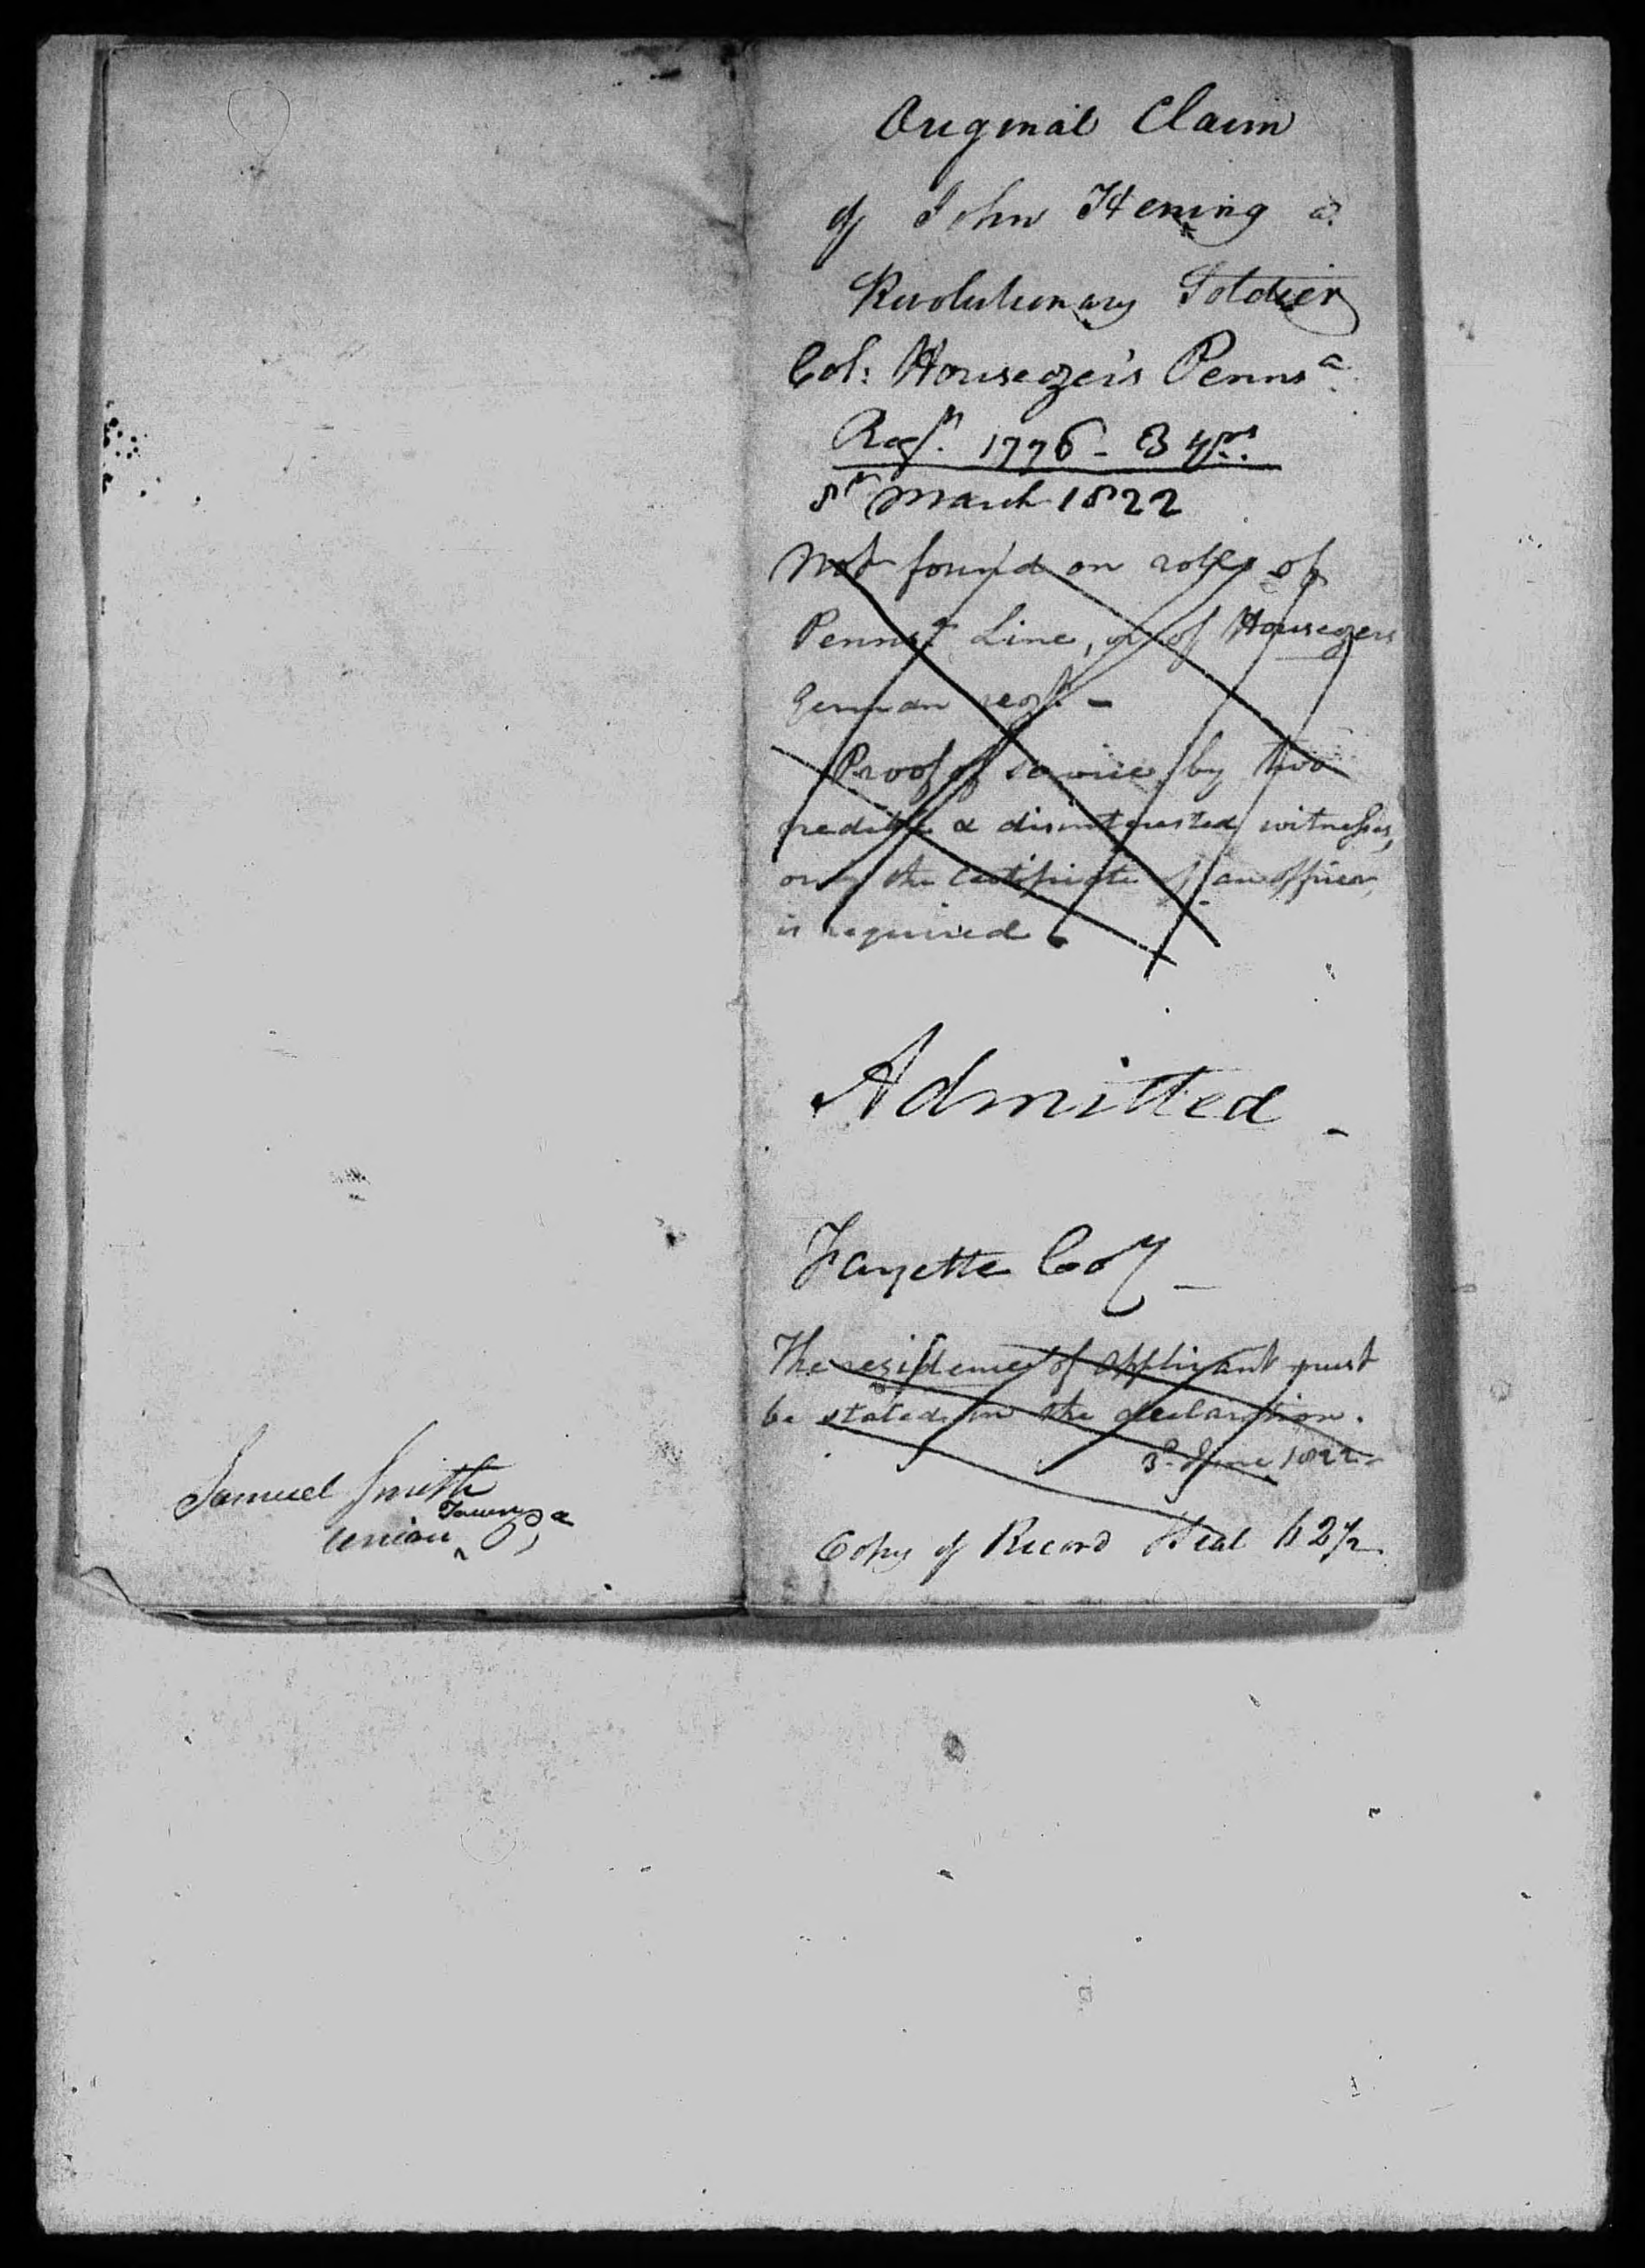Samuel Smith 

Original Claim of John Hening a Revolutionary Soldier Col. Houseozer's Pennsa. [underline] Regt. 1776 - 3 yrs. [end underline] 8th March 1822
[crossed out] Not found on rolls of Pennsa. line, or of Houseozers German regt. -
Proof of service by two credible and distinguished witnesses, or by the certificate of an officer, is required. [end of crossed out section]
Admitted - Fayette Coy-
[crossed out] The residence of Applicant must be stated in the declaration.
3rd June 1822 [end of crossed out section]
Copy of Record [illegible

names: John Hening, Samuel Smith, Housezer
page: 3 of 15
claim: survivor's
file: S. 39677, John Hening, Continental (Penn.)